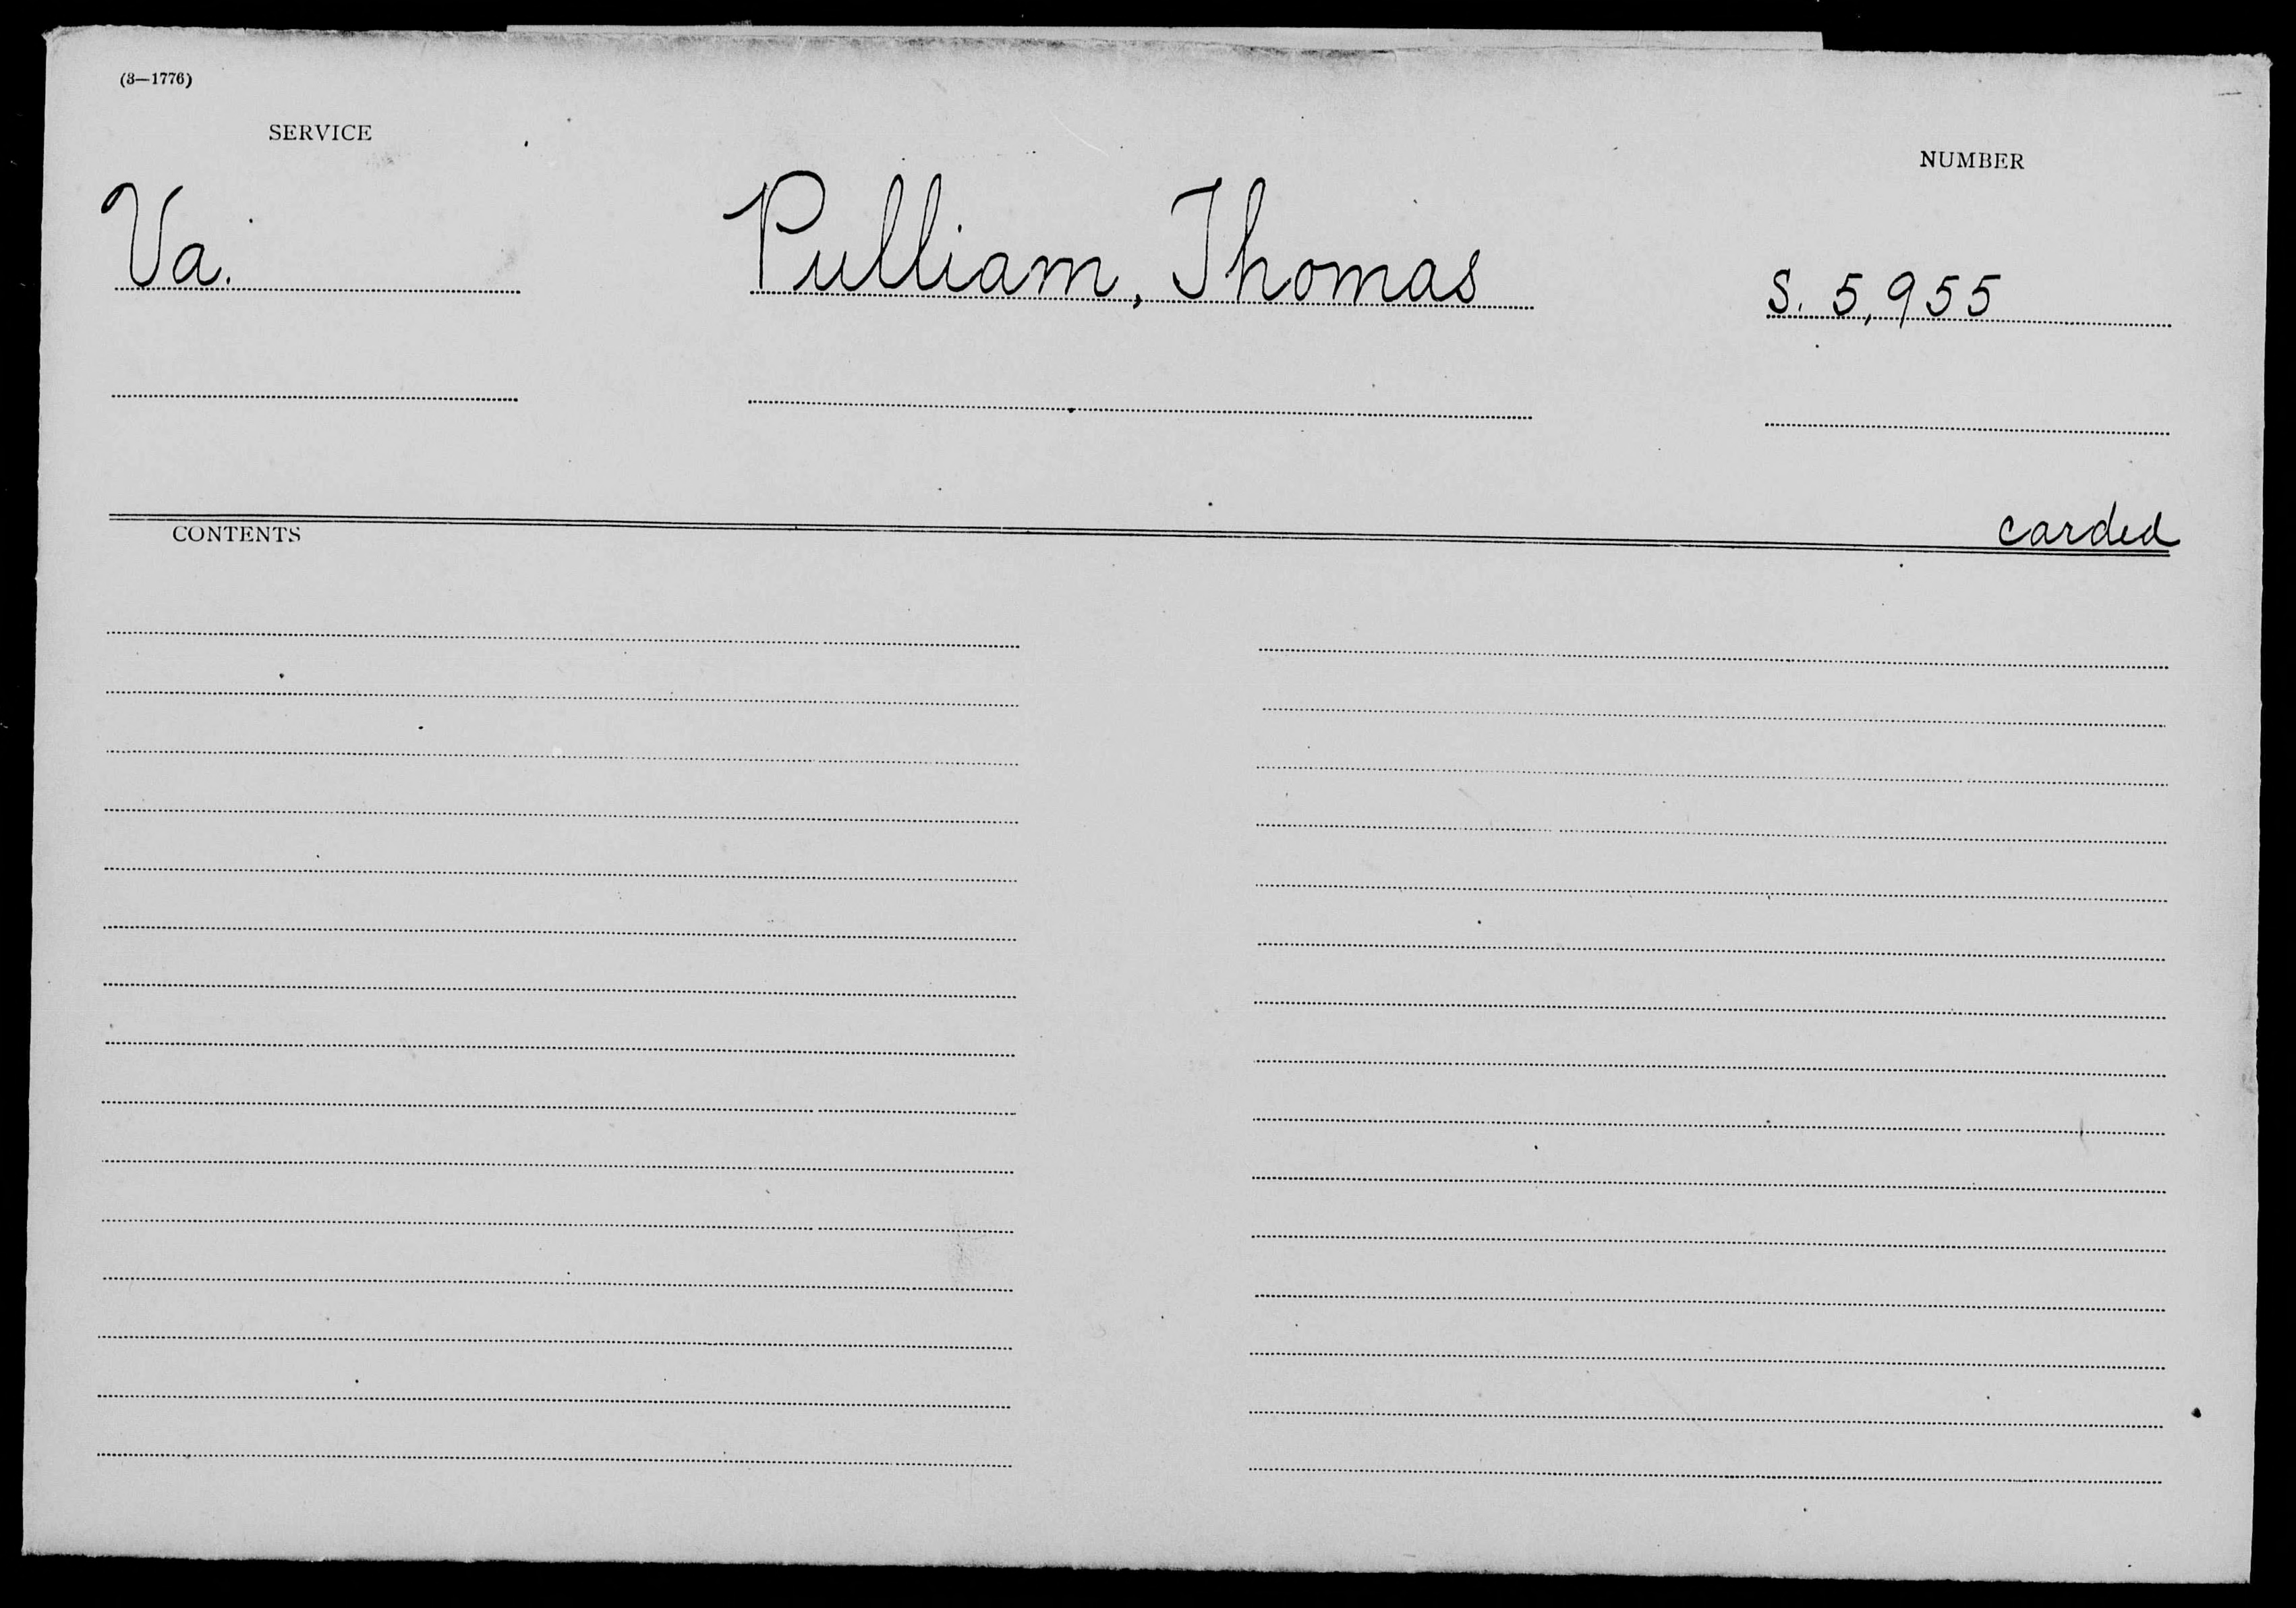SERVICE
Va.

Pulliam, Thomas

NUMBER
S. 5,955

carded

CONTENTS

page: 1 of 27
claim: survivor's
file: S. 5,955, for Thomas Pulliam, Virginia